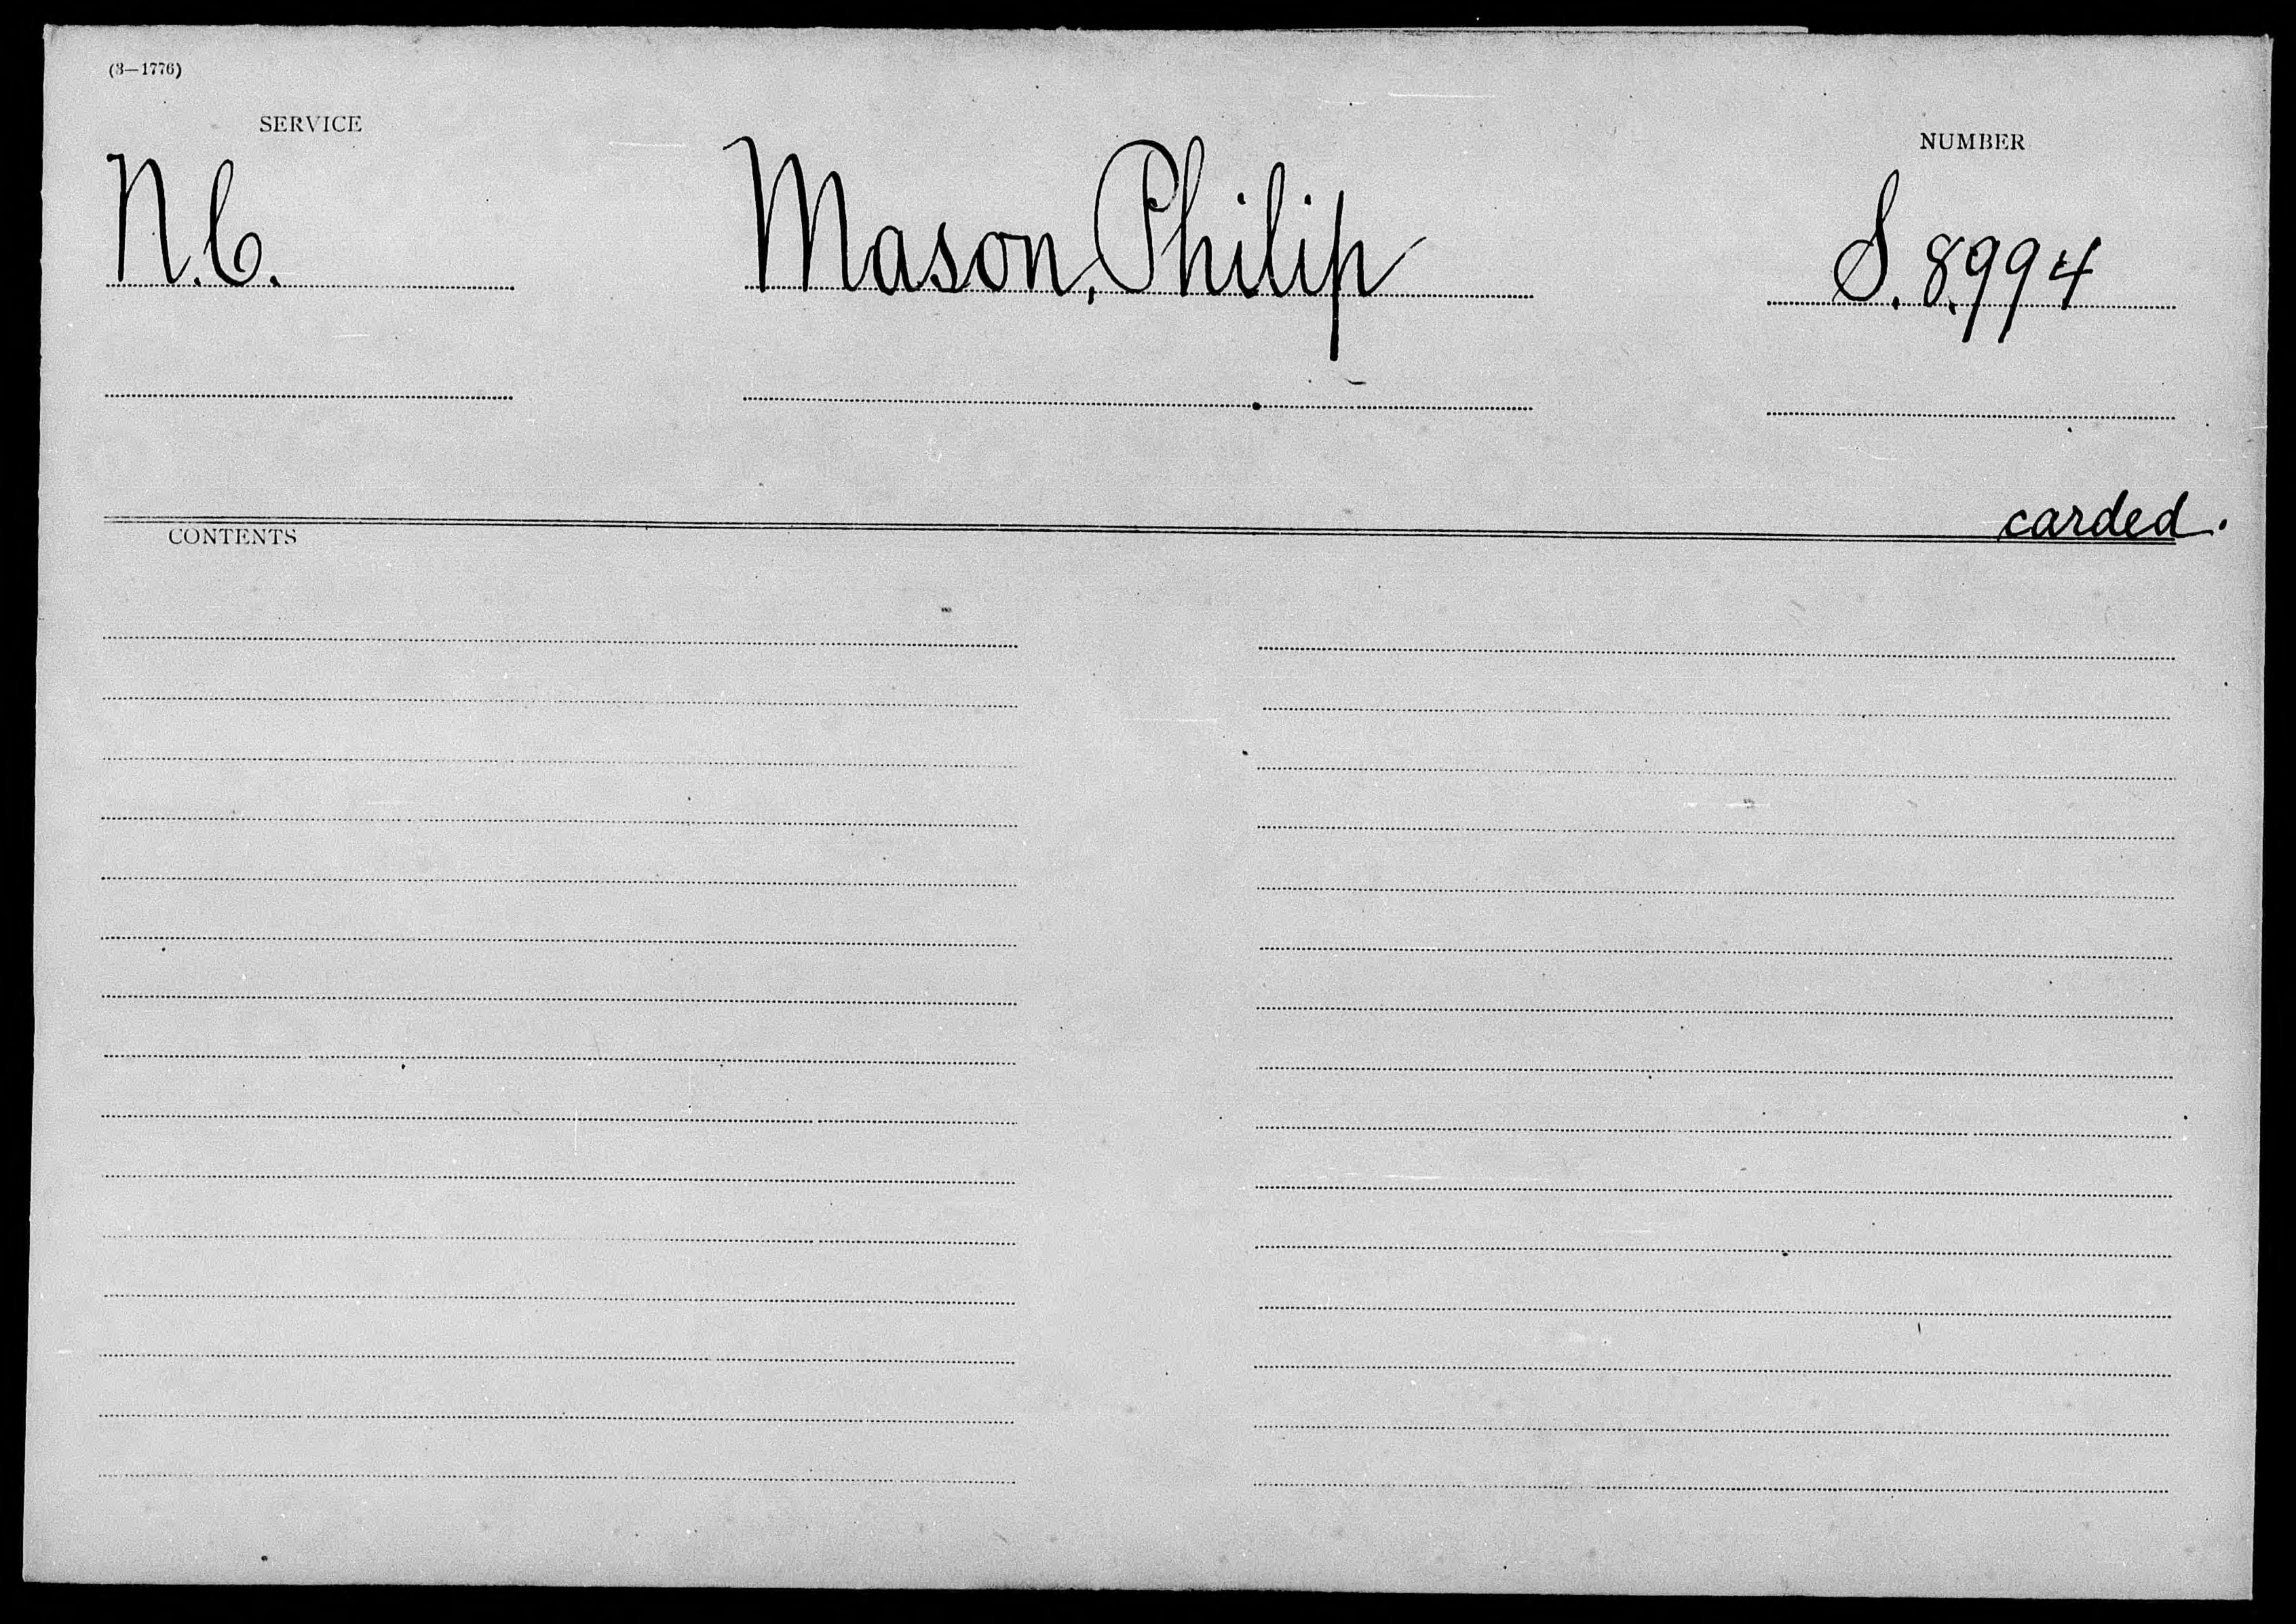(3-1776) Service N.C. Mason Philip Number S8994 Contents carded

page: 1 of 18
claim: survivor's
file: S. 8,994, for Philip Mason, North Carolina